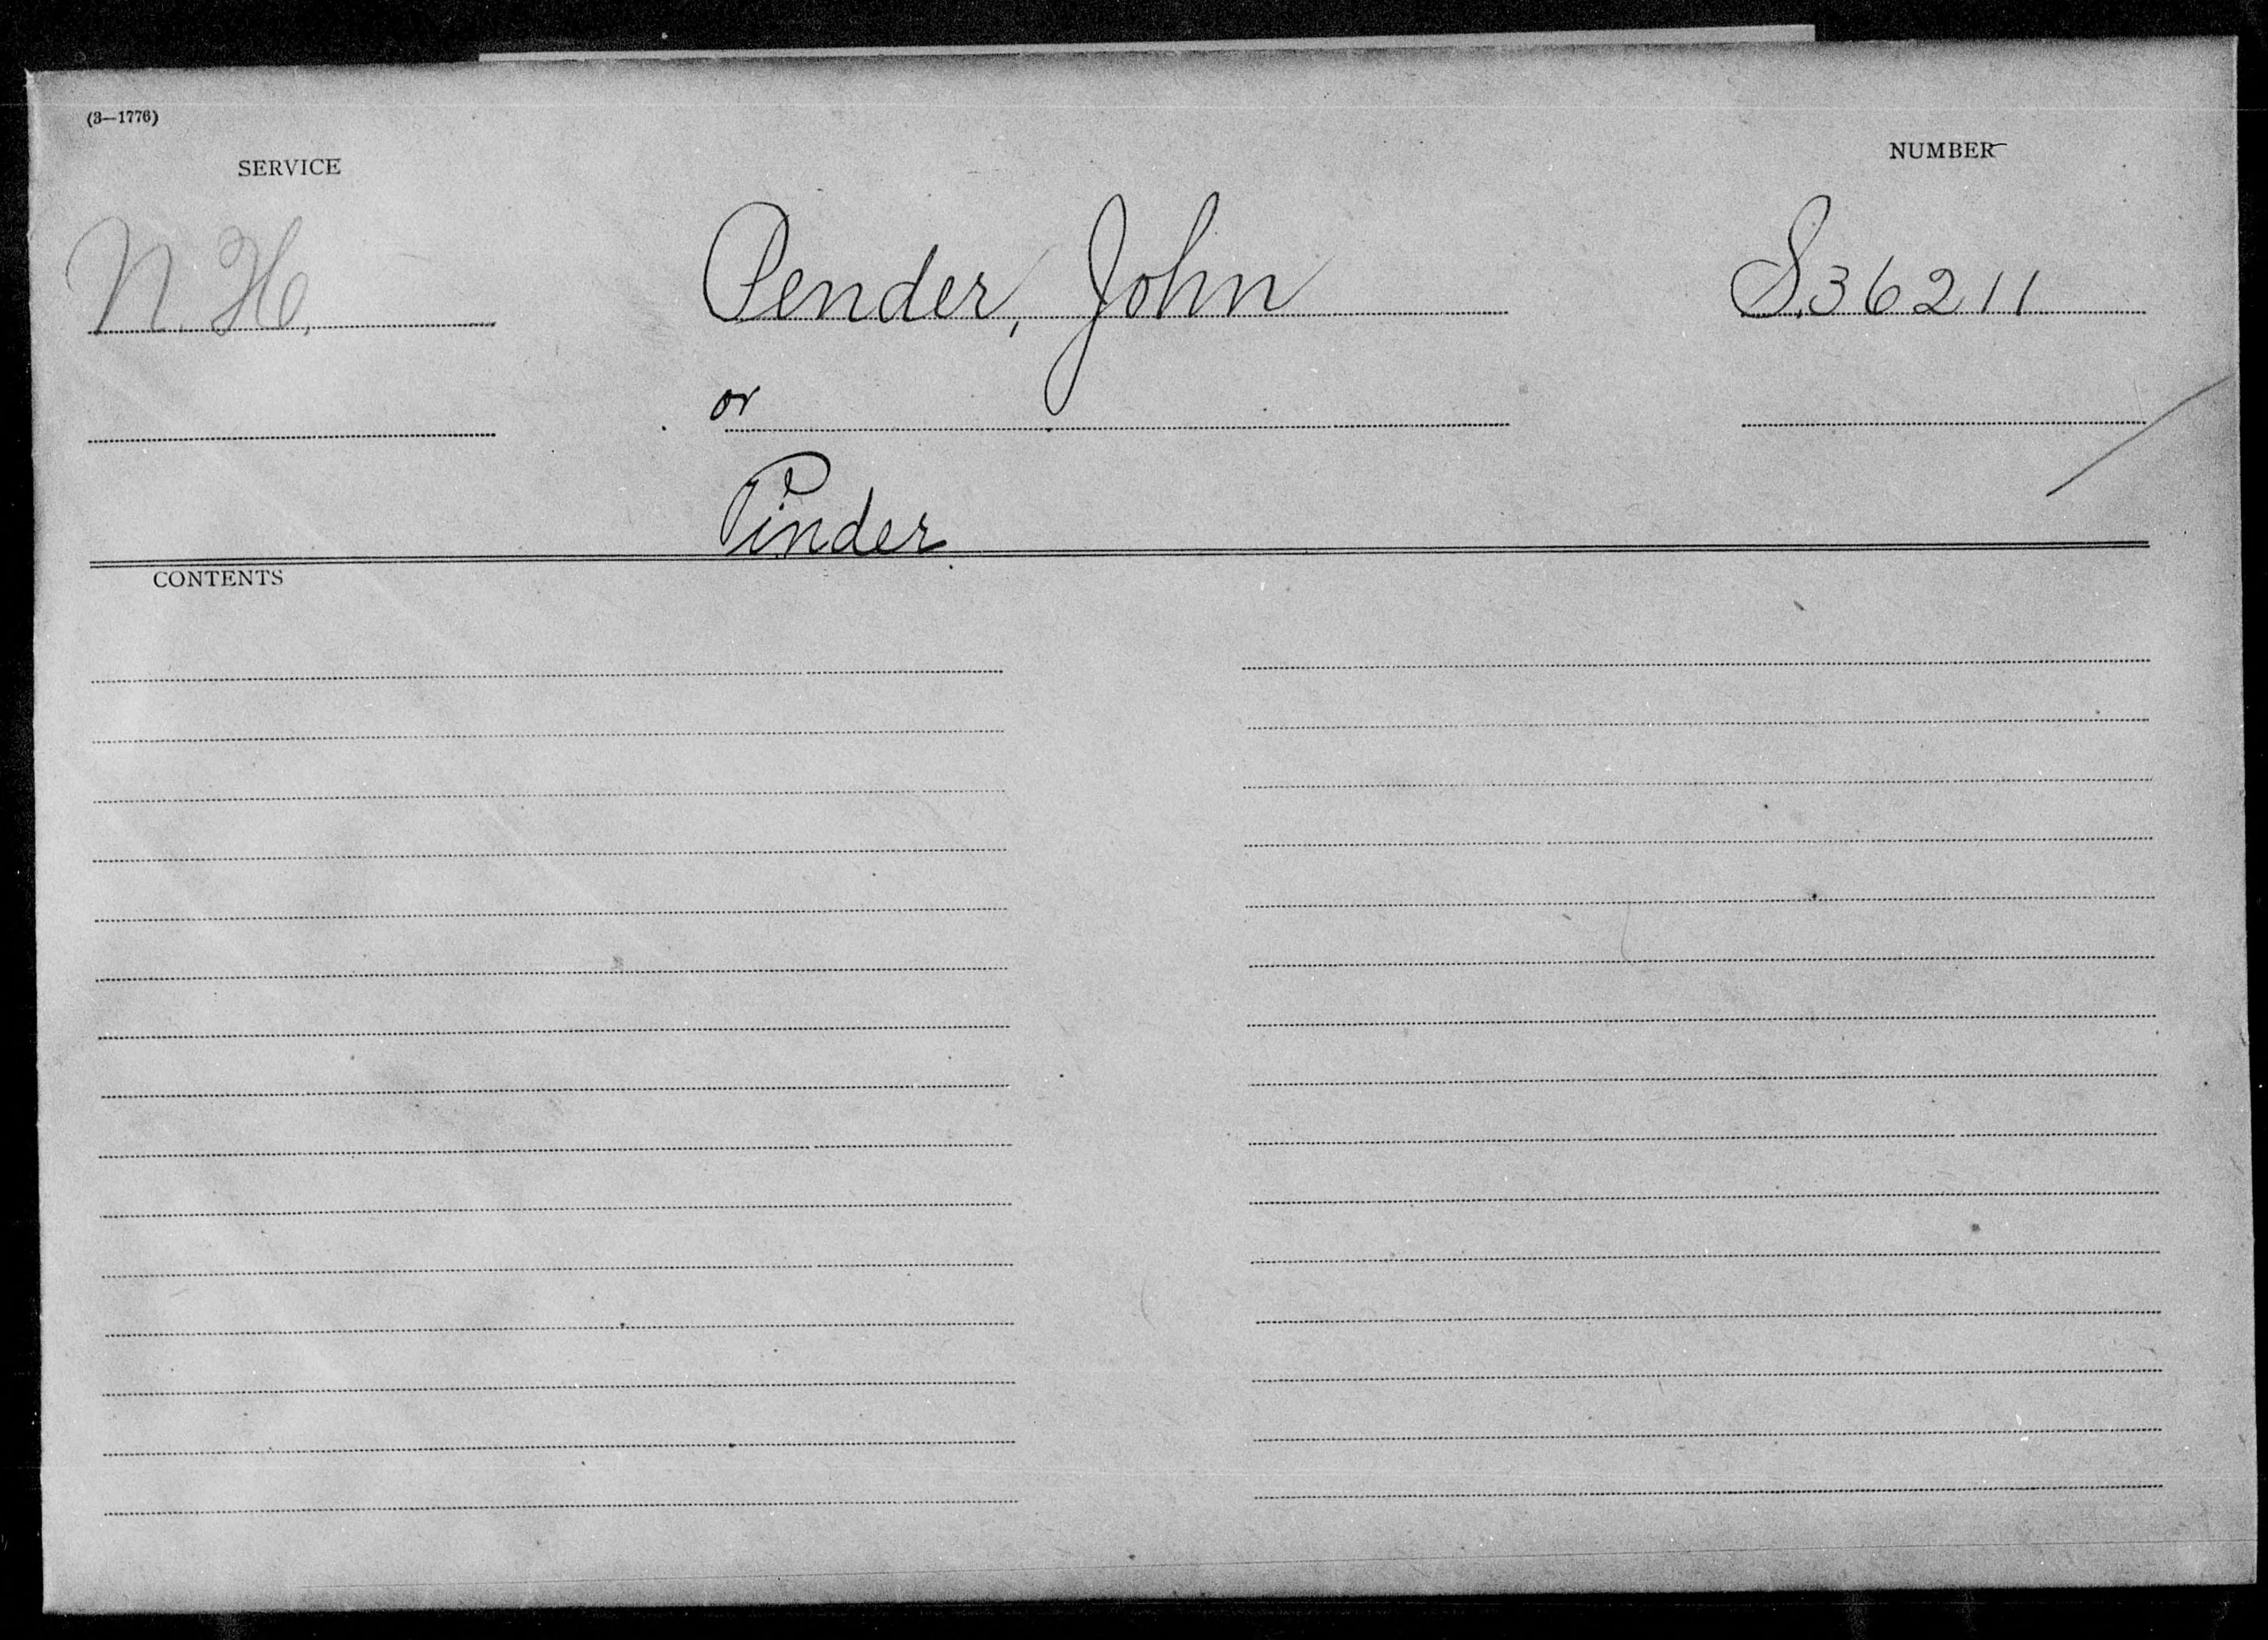SERVICE  N.H.

Pender, John or Pinder

NUMBER  S.36211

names: John Pinder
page: 1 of 13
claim: survivor's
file: S. 36211, for John Pender, New Hampshire